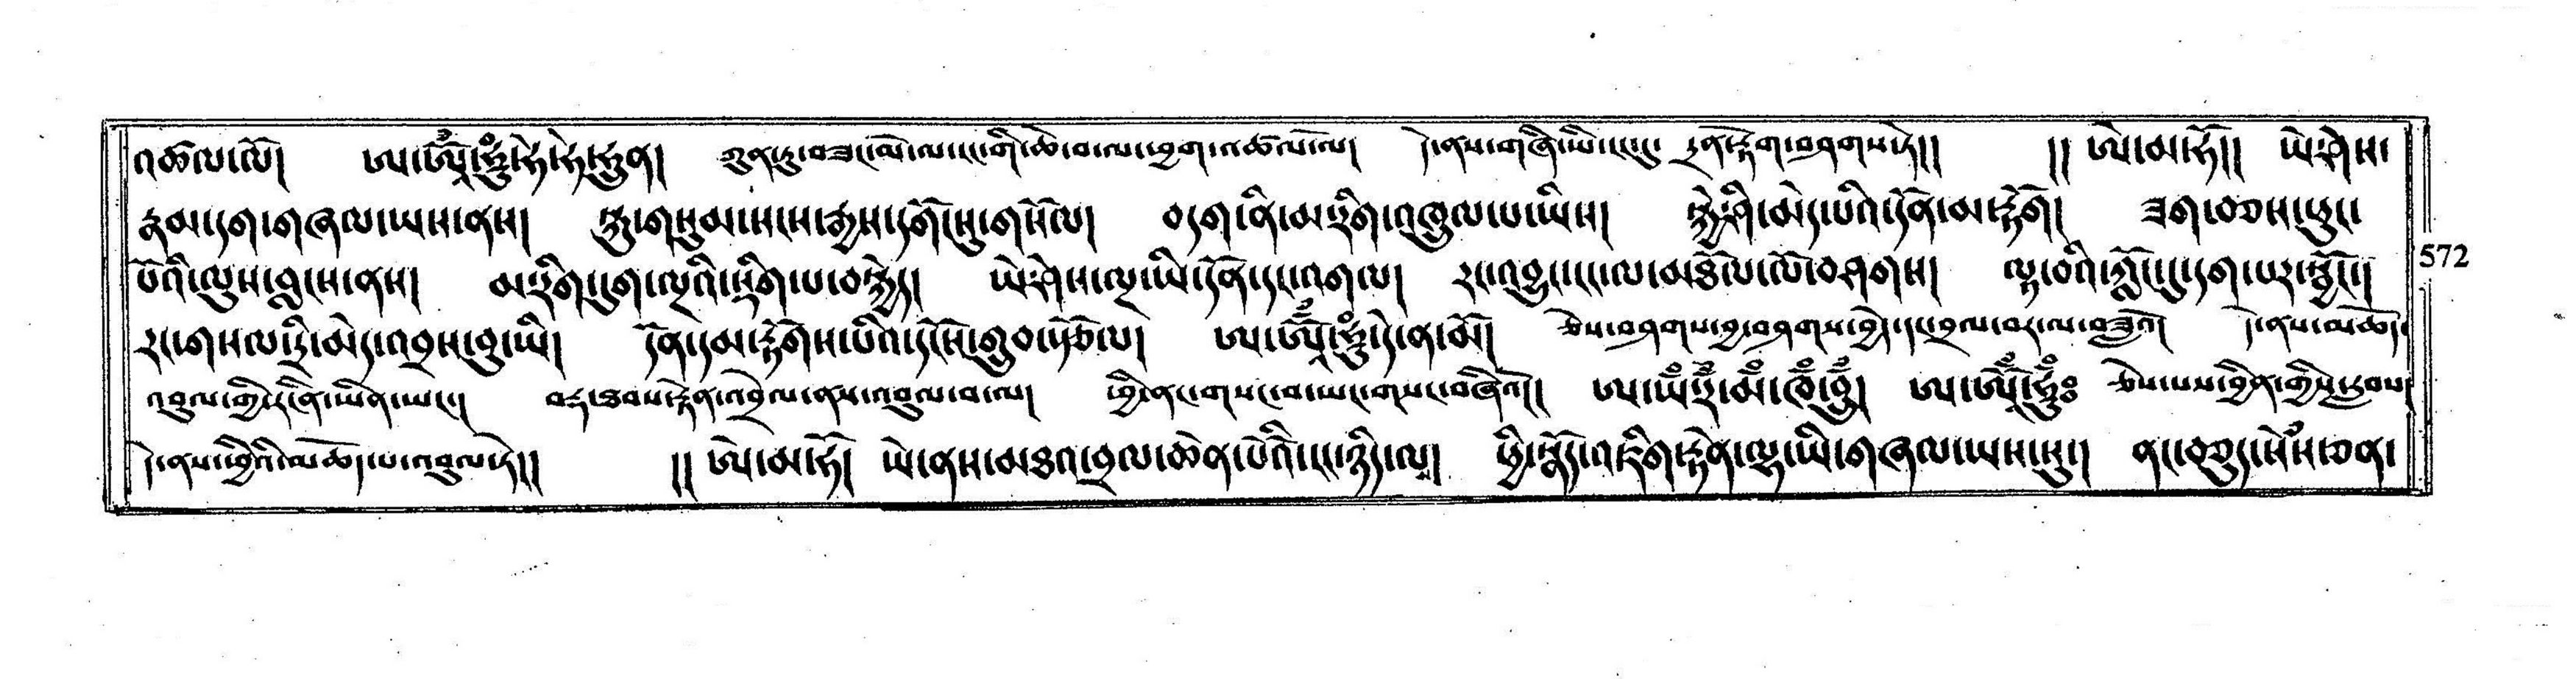འཚལ་ལོ། ཨ་ཨཱོཾ་ཧཱུཾ་ཧེ་ཧེ་ཧྲུན། ཀུན་ཏུ་བཟང་མོ་ལ་ངང་གི་ཆེ་བ་ལ་ཕྱག་འཚལ་ལོ། དེ་ནས་གཞི་ཡི་ངང་དུ་དྲན་རྟོག་བཤགས་ཏེ།། །།ཨེ་མ་ཧོ།། ཡེ་ཤེས་
རྣམ་དག་གཞལ་ཡས་ནས། སྐུ་གསུམ་སངས་རྒྱས་དགོངས་སུ་གསོལ། བདག་ནི་མ་རིག་འཁྲུལ་པ་ཡིས། སྐྱེ་ཤི་མེད་པའི་དོན་མ་རྟོགས། ཟག་བཅས་ཕུང་
པོའི་ལུས་བླངས་ནས། མ་རིག་དུག་ལྔའི་སྡིག་པ་བསྐྱེད། ཡེ་ཤེས་ལྔ་ཡི་དོན་དང་འགལ། རང་འབྱུང་ངང་ལ་མཐོལ་ལོ་བཤགས། ལྟ་བའི་ཀློང་དུ་དག་པར་སྦྱོང་།
རང་གསལ་དྲི་མེད་འབྲས་བུ་ཡི། དོན་དམ་རྟོགས་པའི་དངོས་གྲུབ་སྩོལ། ཨ་ཨཱོཾ་ཧཱུཾ་དེ་ན་མོ། ཅེས་བཤགས་བྱ་བཤགས་བྱེད་དང་བྲལ་བར་ལ་བཟླའོ། དེ་ནས་མཆོད་
འབུལ་གྱི་རང་བཞིན་ཡིན་ཡང་། བརྡ་ཐབས་རྟེན་འབྲེལ་ནས་འབུལ་བ་ལ། ཕྱི་ནང་གསང་བ་ཡང་གསང་བཞིའོ།། ཨ་ཡྃ་རྃ་མྃ་ཁྃ་བྲུྃ། ཨ་ཨཱོཾ་ཧཱུྃཿ ཅེས་པས་བྱིན་གྱིས་རླབས། 
དེ་ནས་ཕྱིའི་མཆོད་པ་འབུལ་ཏེ།། །།ཨེ་མ་ཧོ། ཡེ་ནས་མཐའ་བྲལ་ཆེན་པོའི་ངང་ཉིད་ལས། ཕྱི་སྣོད་འཇིག་རྟེན་ལྷ་ཡི་གཞལ་ཡས་སུ། ནང་བཅུད་སེམས་ཅན་